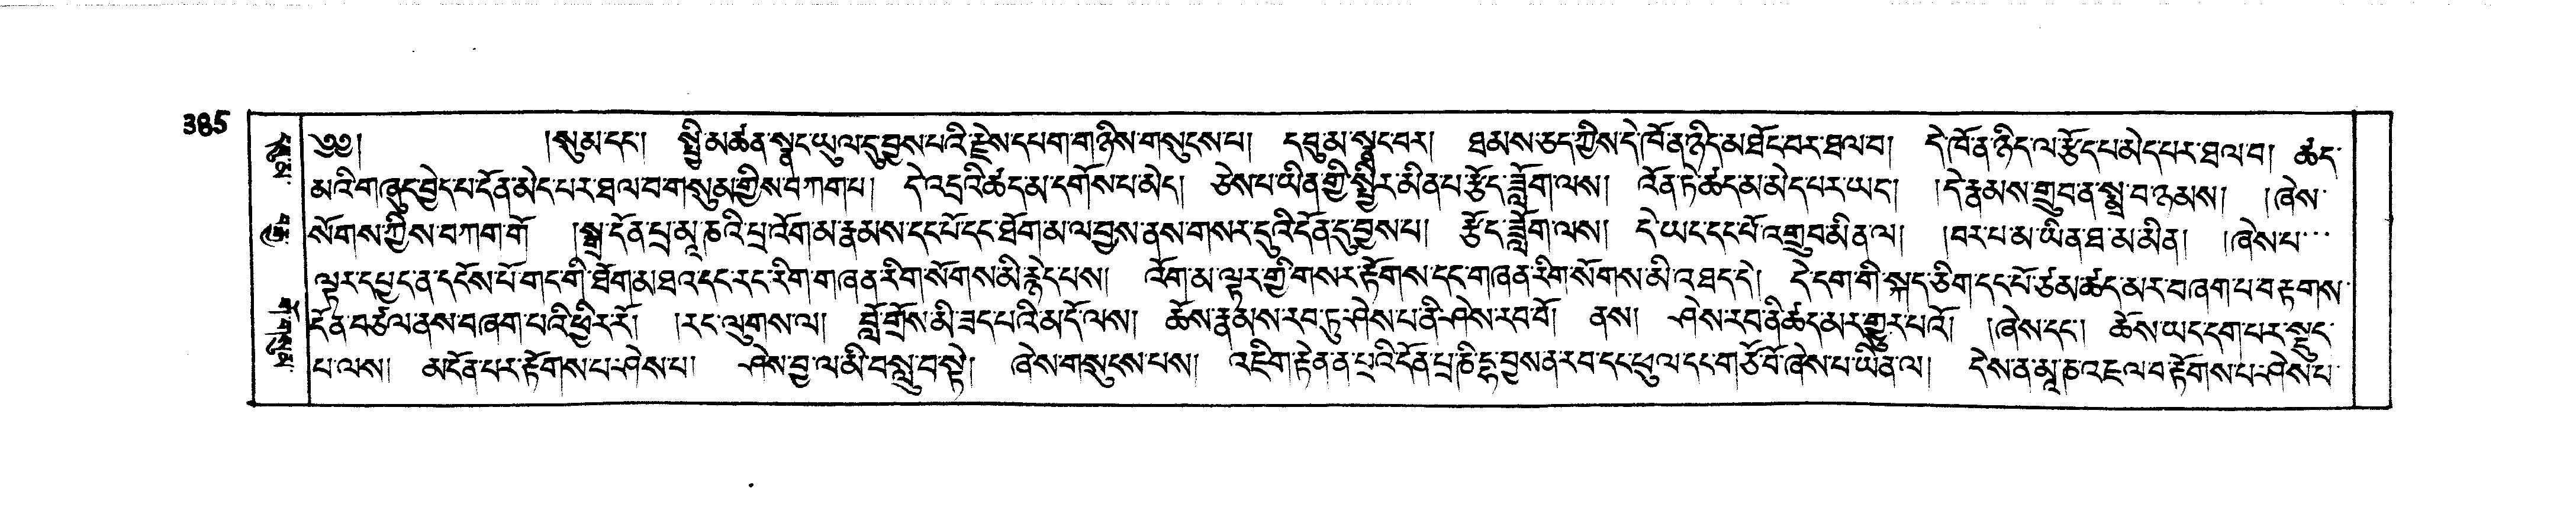༄༅། །སུམ་དང་། སྤྱི་མཚན་སྣང་ཡུལ་དུ་བྱས་པའི་རྗེས་དཔག་གཉིས་གསུངས་པ། དབུ་མ་སྣང་བར། ཐམས་ཅད་ཀྱིས་དེ་ཁོ་ན་ཉིད་མཐོང་བར་ཐལ་བ། དེ་ཁོ་ན་ཉིད་ལ་རྩོད་པ་མེད་པར་ཐལ་བ། ཚད་
མའི་གཞུང་བྱེད་པ་དོན་མེད་པར་ཐལ་བ་གསུམ་གྱིས་བཀག་པ། དེ་འདྲའི་ཚད་མ་དགོས་པ་མེད། ཅེས་པ་ཡིན་གྱི་སྤྱིར་མིན་པ་རྩོད་ཟློག་ལས། འོན་ཏེ་ཚད་མ་མེད་པར་ཡང་། །དེ་རྣམས་གྲུབ་ན་སྨྲ་བ་ཉམས། །ཞེས་
སོགས་ཀྱིས་བཀག་གོ །སྒྲ་དོན་པྲ་མཱ་ཎའི་པྲ་འོག་མ་རྣམས་དང་པོ་དང་ཐོག་མ་ལ་བྱས་ནས་གསར་དུའི་དོན་དུ་བྱས་པ། རྩོད་ཟློག་ལས། དེ་ཡང་དང་པོ་འགྲུབ་མིན་ལ། །བར་པ་མ་ཡིན་ཐ་མ་མིན། །ཞེས་པ་
ལྟར་དཔྱད་ན་དངོས་པོ་གང་གི་ཐོག་མཐའ་དང་རང་རིག་གཞན་རིག་སོགས་མི་རྙེད་པས། འོག་མ་ལྟར་གྱི་གསར་རྟོགས་དང་གཞན་རིག་སོགས་མི་འཐད་དེ། དེ་དག་གི་སྐད་ཅིག་དང་པོ་ཙམ་ཚད་མར་བཞག་པ་བརྟགས་
དོན་བཙལ་ནས་བཞག་པའི་ཕྱིར་རོ། །རང་ལུགས་ལ། བློ་གྲོས་མི་ཟད་པའི་མདོ་ལས། ཆོས་རྣམས་རབ་ཏུ་ཤེས་པ་ནི་ཤེས་རབ་བོ། ནས། ཤེས་རབ་ནི་ཚད་མར་གྱུར་པའོ། །ཞེས་དང་། ཆོས་ཡང་དག་པར་སྡུད་
པ་ལས། མངོན་པར་རྟོགས་པ་ཤེས་པ། ཤེས་བྱ་ལ་མི་བསླུ་བ་སྟེ། ཞེས་གསུངས་པས། འཇིག་རྟེན་ན་པྲའི་དོན་པྲ་ཎི་དྷ་བྱས་ན་རབ་དང་ཕུལ་དང་གཙོ་བོ་ཞེས་པ་ཡིན་ལ། དེས་ན་མཱ་ཎ་འཇལ་བ་རྟོགས་པ་ཤེས་པ་